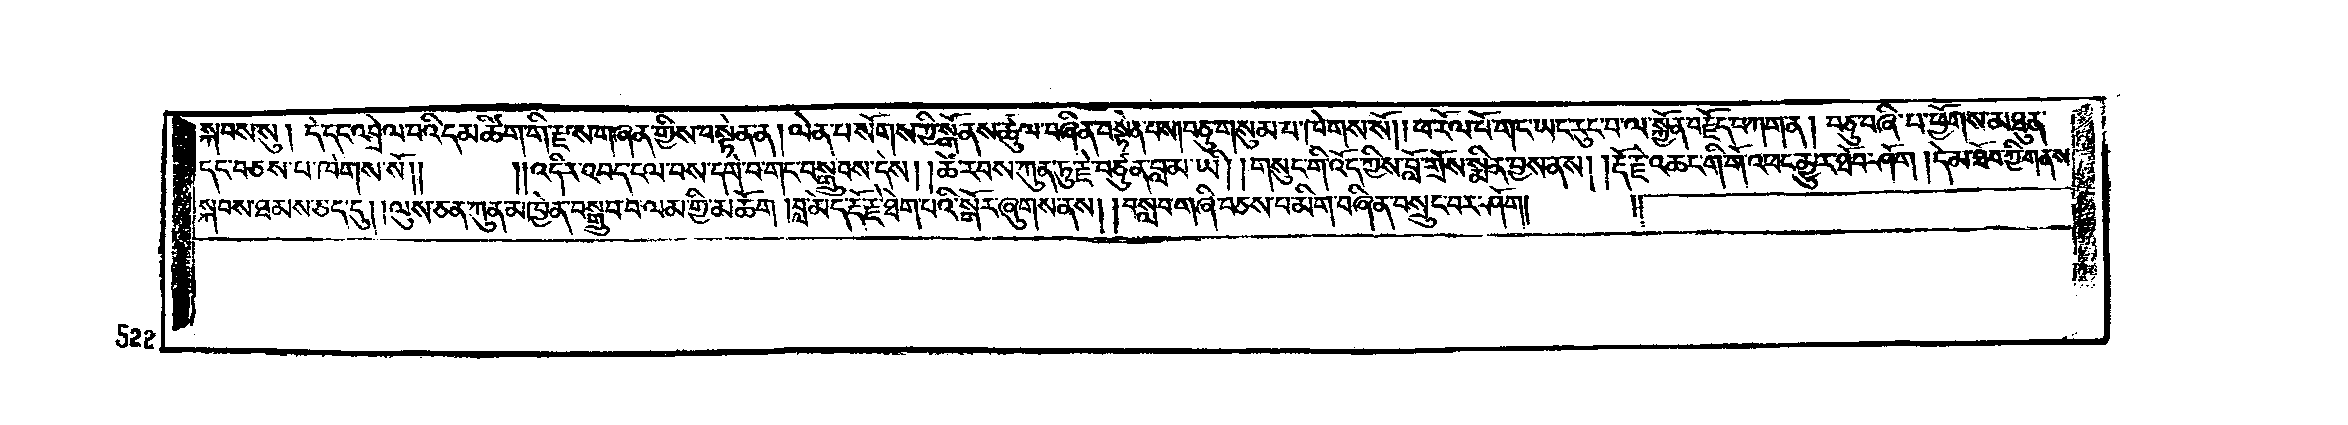སྐབས་སུ། དེ་དང་འབྲེལ་བའི་དམ་ཚིག་གི་རྫས་གཞན་གྱིས་བསྟེན་ན། ལེན་པ་སོགས་ཀྱི་སྒོ་ནས་ཚུལ་བཞིན་བསྟེན་པས། བཅུ་གསུམ་པ་ཁེགས་སོ། །ཕ་རོལ་པོ་གང་ཡང་རུང་བ་ལ་སྐྱོན་བརྗོད་བཀག་ན། བཅུ་བཞི་པ་ཕྱོགས་མཐུན་
དང་བཅས་པ་ཁེགས་སོ།། །།འདིར་འབད་ངལ་བས་དགེ་བ་གང་བསྒྲུབས་དེས། །ཚེ་རབས་ཀུན་ཏུ་རྗེ་བཙུན་བླ་མ་ཡི། །གསུང་གི་འོད་ཀྱིས་བློ་གྲོས་སྨིན་བྱས་ནས། །རྡོ་རྗེ་འཆང་གི་གོ་འཕང་མྱུར་ཐོབ་ཤོག །དེ་མ་ཐོབ་ཀྱི་གནས་
སྐབས་ཐམས་ཅད་དུ། །ལུས་ཅན་ཀུན་མཁྱེན་བསྒྲུབ་པ་ལམ་གྱི་མཆོག །བླ་མེད་རྡོ་རྗེ་ཐེག་པའི་སྒོར་ཞུགས་ནས། །བསླབ་གཞི་བཅས་པ་མིག་བཞིན་བསྲུང་བར་ཤོག ། །།